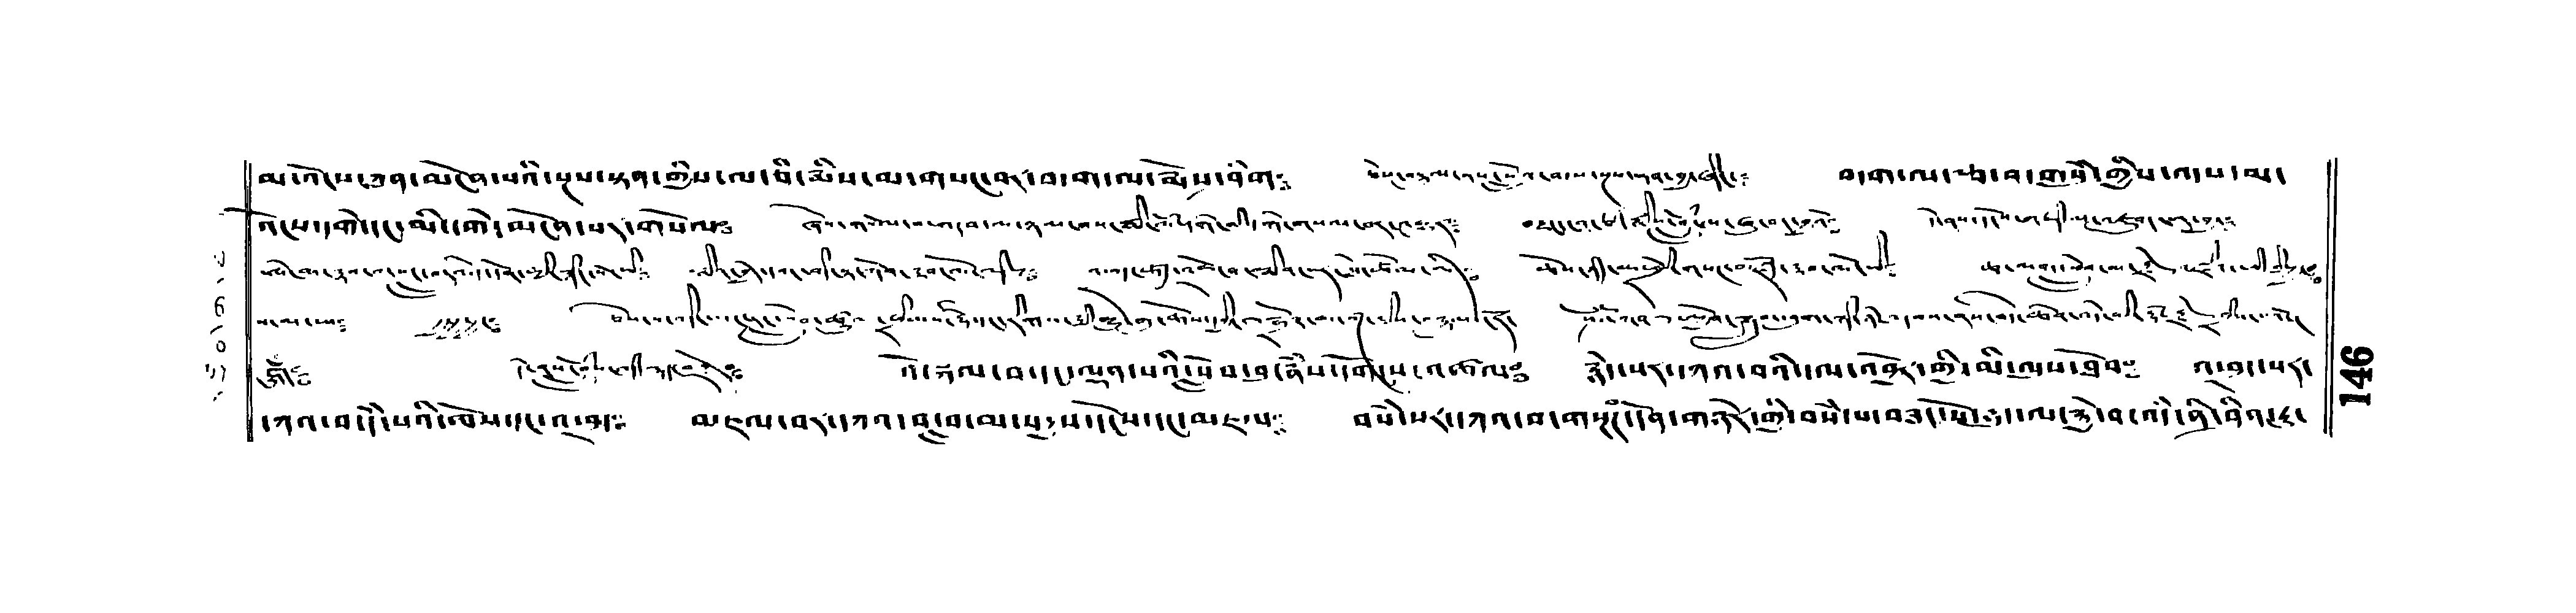མ་འོངས་ཀུན་མངོན་པའི་སྔས་སྟན་གྱིས་ལ་ཅི་རྨིས་མ་གསང་བར་བདག་ལ་སྨོས་ཤིག༔ ཅེས་བསྐུལ་ནས་སློབ་མས་སྔས་སྟན་བྱ་ཞིང༔ བདག་ལ་རྩ་བ་གསུམ་གྱིས་འདས་མ་
འོངས་དགེ་དང་མི་དགེ་མངོན་པར་གསོལ༔ ཞེས་གསོལ་བ་བཏབ་ལ་ཉལ་བས་རྨི་ལམ་དགེ་མི་དགེ་གསལ་བར་འགྱུར༔ བཟང་ངན་ཅི་རྨིས་བླ་མ་ལ་ཞུ་བར་བྱའོ༔ དེ་ནས་དངོས་གཞི་ལ་འཇུག་པར་བྱ༔ 
ཨེ་མ༔ཟབ་གསང་བླ་མེད་དོན་གྱི་སྙིང་པོ་ཡི༔ སྨིན་བྱེད་དབང་གི་སྟ་གོན་ཟབ་མོ་འདིས༔ འཕྲད་ཚད་འགྲོ་བ་སྨིན་པར་ཐེ་ཚོམ་མེད༔ ཆོས་ཉིད་མཁའ་འགྲོའི་གསང་མཛོད་ཟབ་མོ་ཡི༔ རྩ་ལག་སློབ་མ་རྗེས་འཛིན་ཨྀ་ཐི་རྒྱ༔ 
ས་མ་ཡ༔ རྒྱ་རྒྱ་རྒྱ༔ ཅེས་པ་འདི་ཡང་རང་སློབ་ཚུལ་ཁྲིམས་རྡོ་རྗེ་དང་རིགས་ཀྱི་མྱུ་གུ་ཆོས་དབྱིངས་སྒྲོན་མ་སོགས་ཀྱིས་བསྐུལ་ངོར༔ སྤོམ་གནས་ཨོ་རྒྱན་སྒྲུབ་ཕུག་གི་ཉེ་འདབས་ནས་བདེ་ཆེན་བདེ་བའི་རྡོ་རྗེས་བྲིས་པའོ།། 
དེ་ནས་བླ་མས་འདི་སྐད་བརྗོད༔ འོ་སྐལ་བ་དང་ལྡན་པའི་སློབ་བུ་རྣམས་དགོངས་འཚལ༔ རྙེད་པར་དཀའ་བའི་དལ་འབྱོར་གྱི་མི་ལུས་ཐོབ༔ འཕྲད་པར་
དཀའ་བ་དམ་པའི་ཆོས་དང་ཕྲད༔ མཇལ་བར་དཀའ་བ་བླ་མ་སངས་རྒྱས་དངོས་དང་མཇལ༔ བསམ་པར་དཀའ་བ་གསང་སྔགས་དོན་གཉེར་གྱི་བསམ་པ་བཟང་པོ་རྒྱུད་ལ་སྐྱེས་བ་འདི་ནི་ཤིན་ཏུ་